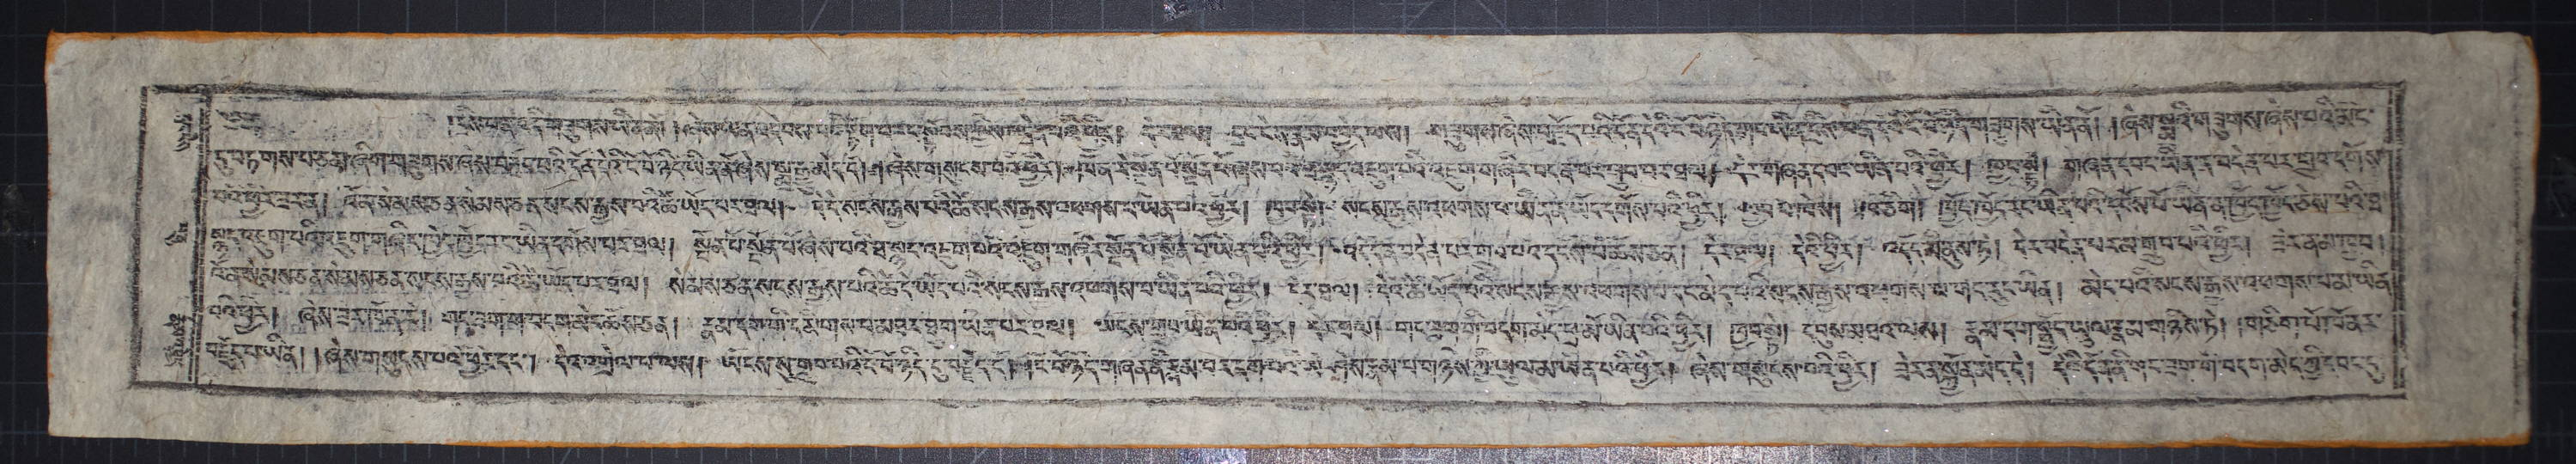༄༅། །དྲིས་པ་ན་འདི་གཟུགས་ཡིན་ནོ། །ཞེས་ལན་འདེབས་པའི་རྟོག་པ་རང་སྟོབས་ཀྱིས་འདྲེན་པའི་ཕྱིར། དེར་ཐལ། དྲང་ངེས་རྣམ་འབྱེད་ལས། གཟུགས་ཞེས་བརྗོད་པའི་དོན་དེའི་ངོ་བོ་ཉིད་གང་ཡིན་དྲིས་པ་ན་དེའི་ངོ་བོ་ཉིད་གཟུགས་ཡིན་ནོ། །ཞེས་སྨྲའི་གཟུགས་ཞེས་པའི་མིང་
དུ་བཏགས་པ་ཙམ་ཞིག་གཟུགས་ཞེས་བརྗོད་པའི་དོན་དེའི་ངོ་བོ་ཉིད་ཡིན་ནོ་ཞེས་སྨྲ་རྒྱུ་མེད་དོ། །ཞེས་གསུངས་པའི་ཕྱིར། ཁོ་ན་རེ་སྔོན་པོ་སྔོན་པོ་ཞེས་པའི་ཐ་སྙད་འཇུག་པའི་འཇུག་གཞིར་བདེན་པར་གྲུབ་པར་ཐལ། དེར་གཞན་དབང་ཡིན་པའི་ཕྱིར། ཁྱབ་སྟེ། གཞན་དབང་ཡིན་ན་བདེན་པར་གྲུབ་དགོས་
པའི་ཕྱིར་ཟེར་ན། འོ་ན་སེམས་ཅན་སེམས་ཅན་སངས་རྒྱས་པའི་ཚེ་ཡོད་པར་ཐལ། དེ་དེ་སངས་རྒྱས་པའི་ཚེ་སངས་རྒྱས་འཕགས་པ་ཡིན་པའི་ཕྱིར། ཁྱབ་སྟེ། སངས་རྒྱས་འཕགས་པ་ཡིན་ན་ཡོད་དགོས་པའི་ཕྱིར། ཁྱབ་པ་ཁས། ཁ་ཅིག །ཁྱོད་ཁྱོད་རང་ཡིན་པའི་དངོས་པོ་ཡིན་ན་ཁྱོད་ཁྱོད་ཅེས་པའི་ཐ་
སྙད་འཇུག་པའི་འཇུག་ཞིར་ཁྱོད་ཁྱོད་རང་ཡིན་དགོས་པར་ཐལ། སྔོན་པོ་སྔོན་པོ་ཞེས་པའི་ཐ་སྙད་འཇུག་པའི་འཇུག་གཞིར་སྔོན་པོ་སྔོན་པོ་ཡིན་པའི་ཕྱིར། འདོད་ན་བདེན་པར་གྲུབ་པའི་དངོས་པོ་ཆོས་ཅན། དེར་ཐལ། དེའི་ཕྱིར། འདོད་མི་ནུས་ཏེ། དེར་བདེན་པར་མ་གྲུབ་པའི་ཕྱིར། ཟེར་ན་མ་ཁྱབ་
འོ་ན་སེམས་ཅན་སེམས་ཅན་སངས་རྒྱས་པའི་ཚེ་ཡོད་པར་ཐལ། སེམས་ཅན་སངས་རྒྱས་པའི་ཚེ་དེ་ཡོད་པའི་སངས་རྒྱས་འཕགས་པ་ཡིན་པའི་ཕྱིར། དེར་ཐལ། དེའི་ཚེ་ཡོད་པའི་སངས་རྒྱས་འཕགས་པ་དང་མེད་པའི་སངས་རྒྱས་འཕགས་པ་གང་རུང་ཡིན། མེད་པའི་སངས་རྒྱས་འཕགས་པ་མ་ཡིན་
པའི་ཕྱིར། ཞེས་ཟེར་ན་ཁོ་ན་རེ། གང་ཟག་གི་བདག་མེད་ཆོས་ཅན། རྣམ་དག་གི་དམིགས་པ་མཐར་ཐུག་ཡིན་པར་ཐལ། ཡོངས་གྲུབ་ཡིན་པའི་ཕྱིར། དེར་ཐལ། གང་ཟག་གི་བདག་མེད་ཕྲ་མོ་ཡིན་པའི་ཕྱིར། ཁྱབ་སྟེ། དབུས་མཐའ་ལས། རྣམ་དག་སྤྱོད་ཡུལ་རྣམ་གཉིས་ཏེ། །གཅིག་པོ་ཁོ་ནར་
བརྗོད་པ་ཡིན། །ཞེས་གསུངས་པའི་ཕྱིར་དང་། དེའི་འགྲེལ་པ་ལས། ཡོངས་སུ་གྲུབ་པའི་ངོ་བོ་ཉིད་དུ་བརྗོད་དོ། །ངོ་བོ་ཉིད་གཞན་ནི་རྣམ་པར་དག་པའི་ཡེ་ཤེས་རྣམ་པ་གཉིས་ཀྱི་ཡུལ་མ་ཡིན་པའི་ཕྱིར། ཞེས་གསུངས་པའི་ཕྱིར། ཟེར་ན་སྐྱོན་མེད་དེ། དེའི་དོན་ནི་གང་ཟག་གི་བདག་མེད་ཀྱི་དབང་དུ་